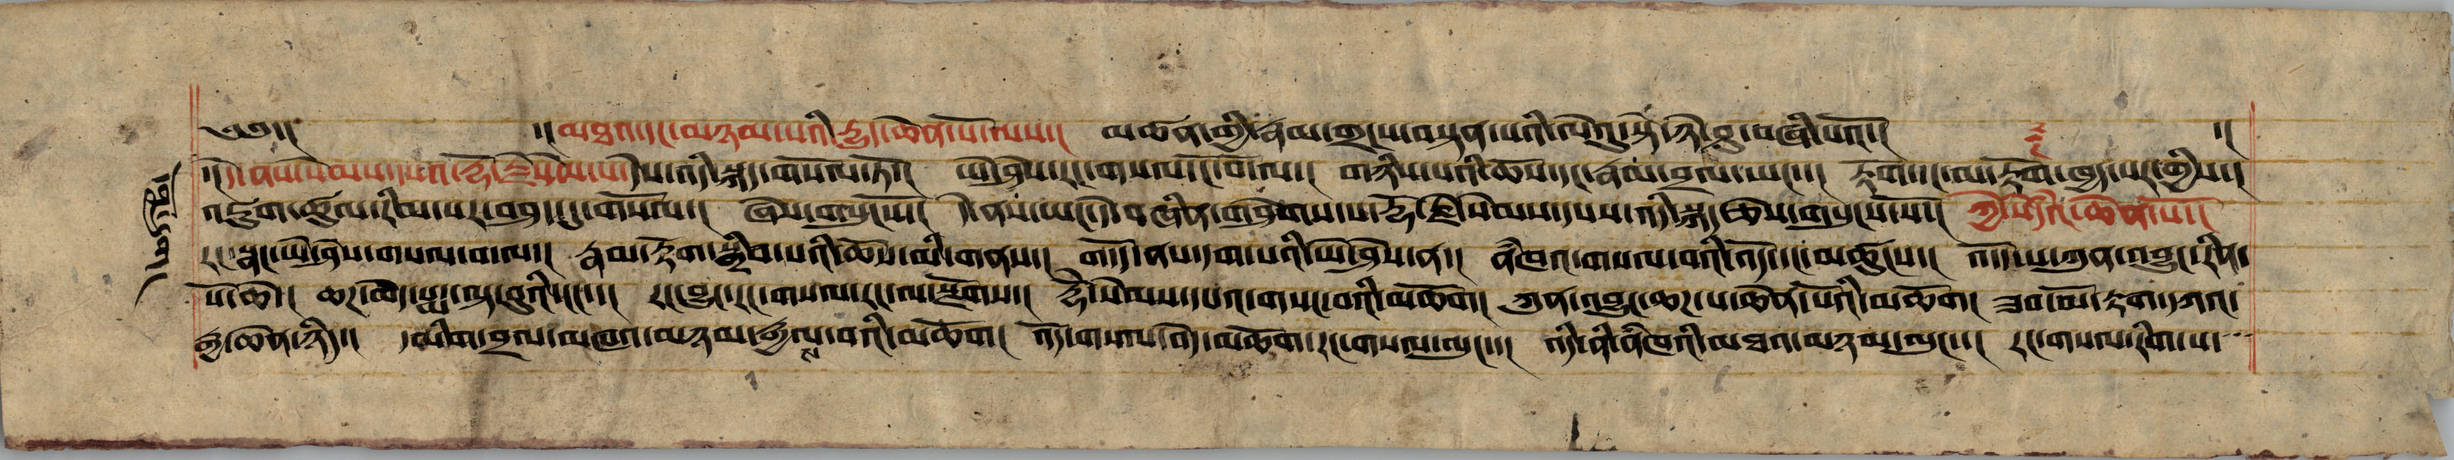༄༅་། ་།མཐའ་དང་མཉམ་པའི་དྱུད་ཆེན་པོ་ལས་། མཚན་གྱི་རྣམ་གྲངས་བསྟན་པའི་ལེའུ་སྟེ་ཉེ་ཤུ་བཞི་པའོ་། ࿑
་།དེ་ནས་སེམས་དཔའ་རྡོ་རྗེ་སེམ་པ་དེས་འདི་སྐད་གསོལ་ཏོ་། ཡེ་ཤེས་རང་གསལ་ངོ་བོ་ལ་། གཉིས་པའི་ཆོས་དང་རྣམ་བྲལ་ཡང་་། རྟོག་དང་མ་རྟོག་ཁྱད་པར་གྱིས་།
འཇུག་ཚུལ་རིམ་པར་བཤད་དུ་གསོལ་། ཞེས་གསུངསོ་། དེ་ནས་ཡང་དེ་བཞིན་གཤེགས་པ་རྡོ་རྗེ་སེམས་དཔས་འདི་སྐད་ཅེས་གསུངས་སོ་། ཀྱེ་སེཾདའ་ཆེན་པོ་།
རང་སྣང་ཡེ་ཤེས་གསལ་བ་ལ་། རྣམ་རྟོག་སྒྲིབ་པའི་ཆོས་མི་གནས་། གདོད་ནས་དག་པའི་ཡེ་ཤེས་ན་། ནཾཁའ་གསལ་བའི་འོད་དང་མཚུངས་། འདོད་པ་ཀུན་འབྱུང་རིན་
པོ་ཆེ་། ཆཌ་མེད་པདྨ་ལྟ་བུའི་ངང་་། རང་བྱུང་རང་གསལ་རང་ལ་སྫོགས་། རྡོེ་སེམས་དཔའ་གསང་བའི་མཆོག་། ཀུན་འབྱུང་ཆཌ་པ་ཆེན་པོའི་མཆོག། ཟབ་མོ་རྟག་དཀའ་
རྒྱ་ཆེན་ཉིད་། དམིགས་བྲལ་མཁའ་མཉམ་རྒྱལ་བའི་མཆོག། འོད་གསལ་བདེ་མཆོག་རང་གསལ་ལུང་་། འདི་ནི་ནཾམཁའི་མཐའ་མཉམ་ལུང་་། རང་གསལ་རིག་པ་